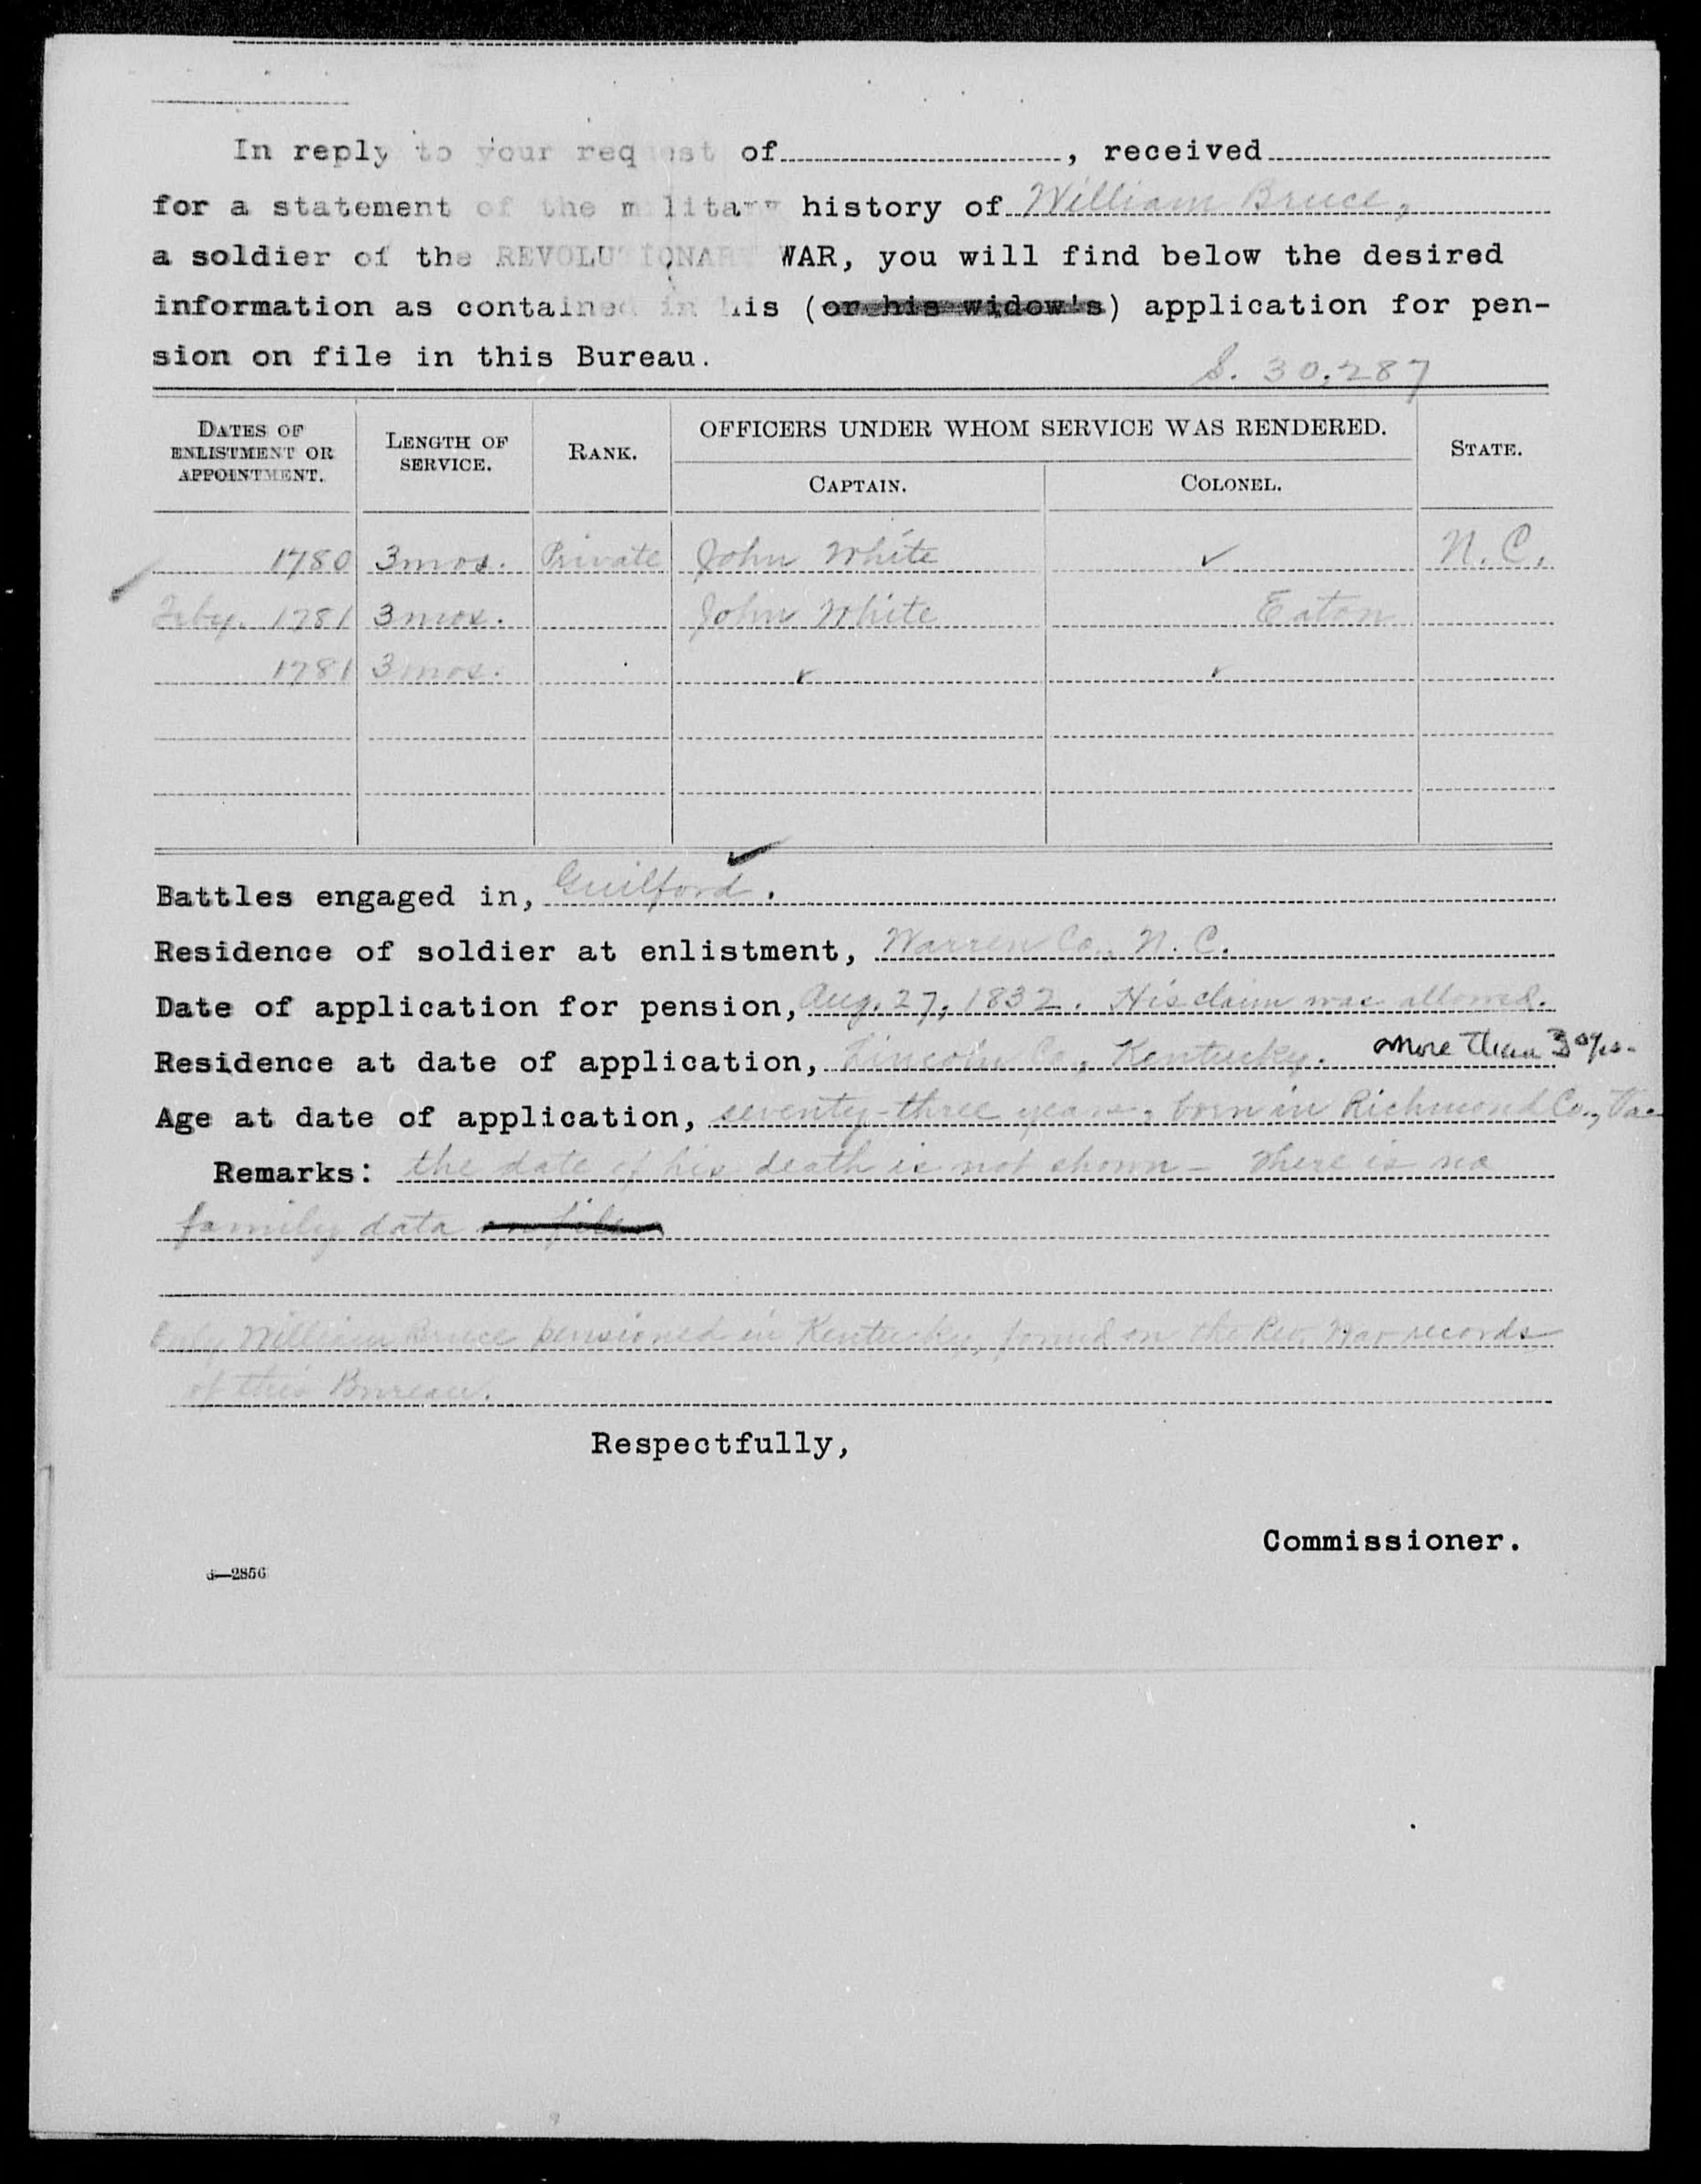[typed form, with handwritten responses]

In reply to your request of         , received          for a statement of the military history of William Bruce, soldier of the REVOLUTIONARY WAR, you will find below the desired information as contained in his [crossed out (or his widow’s)] application for pension on file in this Bureau. 
S. 30, 287 

[columns with headings] DATES OF ENLISTMENT OR APPOINTMENT. LENGTH OF SERVICE. RANK. OFFICERS UNDER WHOM SERVICE WAS RENDERED. CAPTAIN. COLONEL. STATE. 
1780 3 mos. Private [Captain] John White [Colonel check mark] N. C.
Feby [February] 1781 3 mos. [Captain] John White [Colonel] Eaton
1781 3 mos.

Battles engaged in Guilford. 

Residence of soldier at enlistment, Warren Co. N. C. 

Date of application for pension, Aug. 27, 1832. His claim was allowed. 

Residence at date of application, Lincoln Co., Kentucky more than 30 yrs.

Age at date of application, seventy-three years born in Richmond Co., Va. 

Remarks: the date of his death is not shown – There is no family data [on file crossed out]

Only William Bruce pensioned in Kentucky found on the Rev. War records of this Bureau.

Respectfully, 

Commissioner.

d-2856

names: John White, William Bruce, Eaton, John White, William Bruce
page: 54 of 54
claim: survivor's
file: S. 30287, William Bruce, N.C.